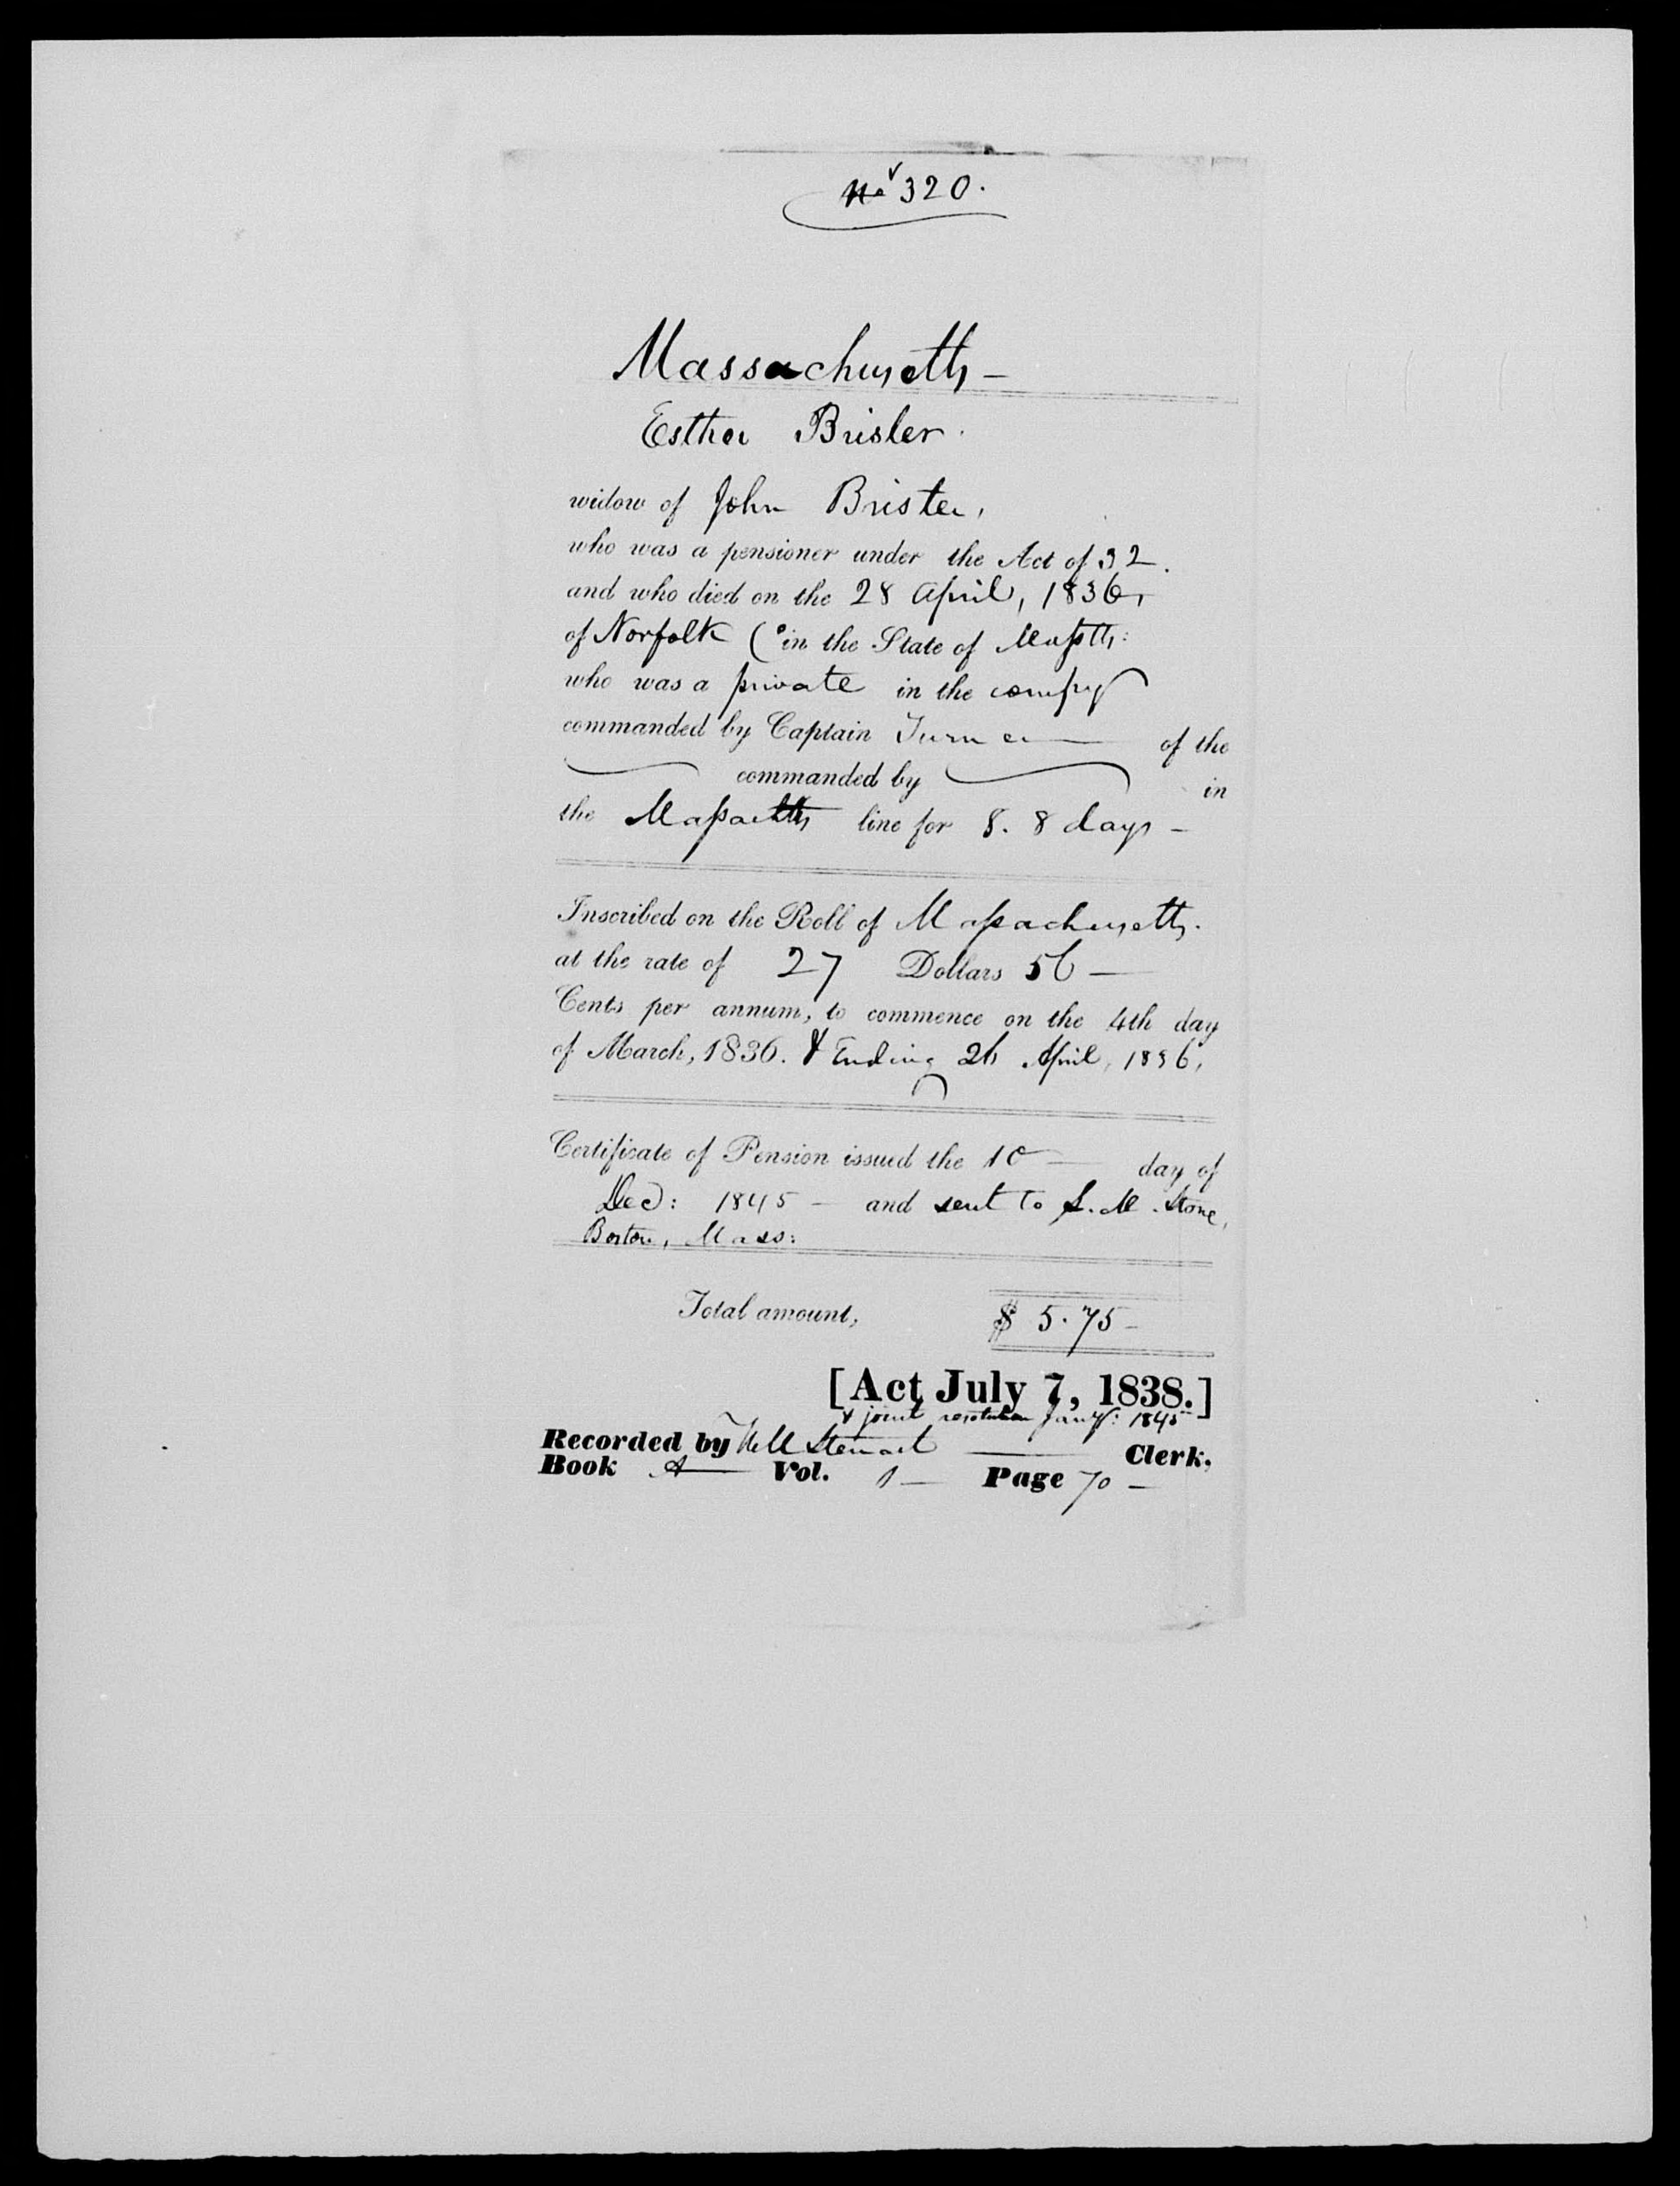320
Massachusetts
Esther Brisler
widow of John Brisler, who was a pensioner under the Act of 32 and who died on the 28 April, 1836, of Norfolk in the state  of Massatts who was a private in the company commanded by Captain Turn of the  [blank] commanded by [blank] in the Massastts line 8.8.days - Inscribed on the Roll of Massachusetts at the rate of 27 Dollars & 56 Cents per annum  to commence on the 4th Day of March, 1836. & ending 26th April, 1836. Certificate of Pension issued the 10 days of Dec: 1845 and sent to o {illegible] Stone Boston, Mass. 
Total amount, $ 5.75
{Act July 7, 1838.] & Joint resolution January 1840. Recorded by Will Stewart Clerk. Book A Vol A Page 70.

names: John Brisler, Esther Brisler, L M Stone, W M Stewart, Turner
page: 19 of 46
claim: widow's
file: W. 23,673, John Brisler, Mass.